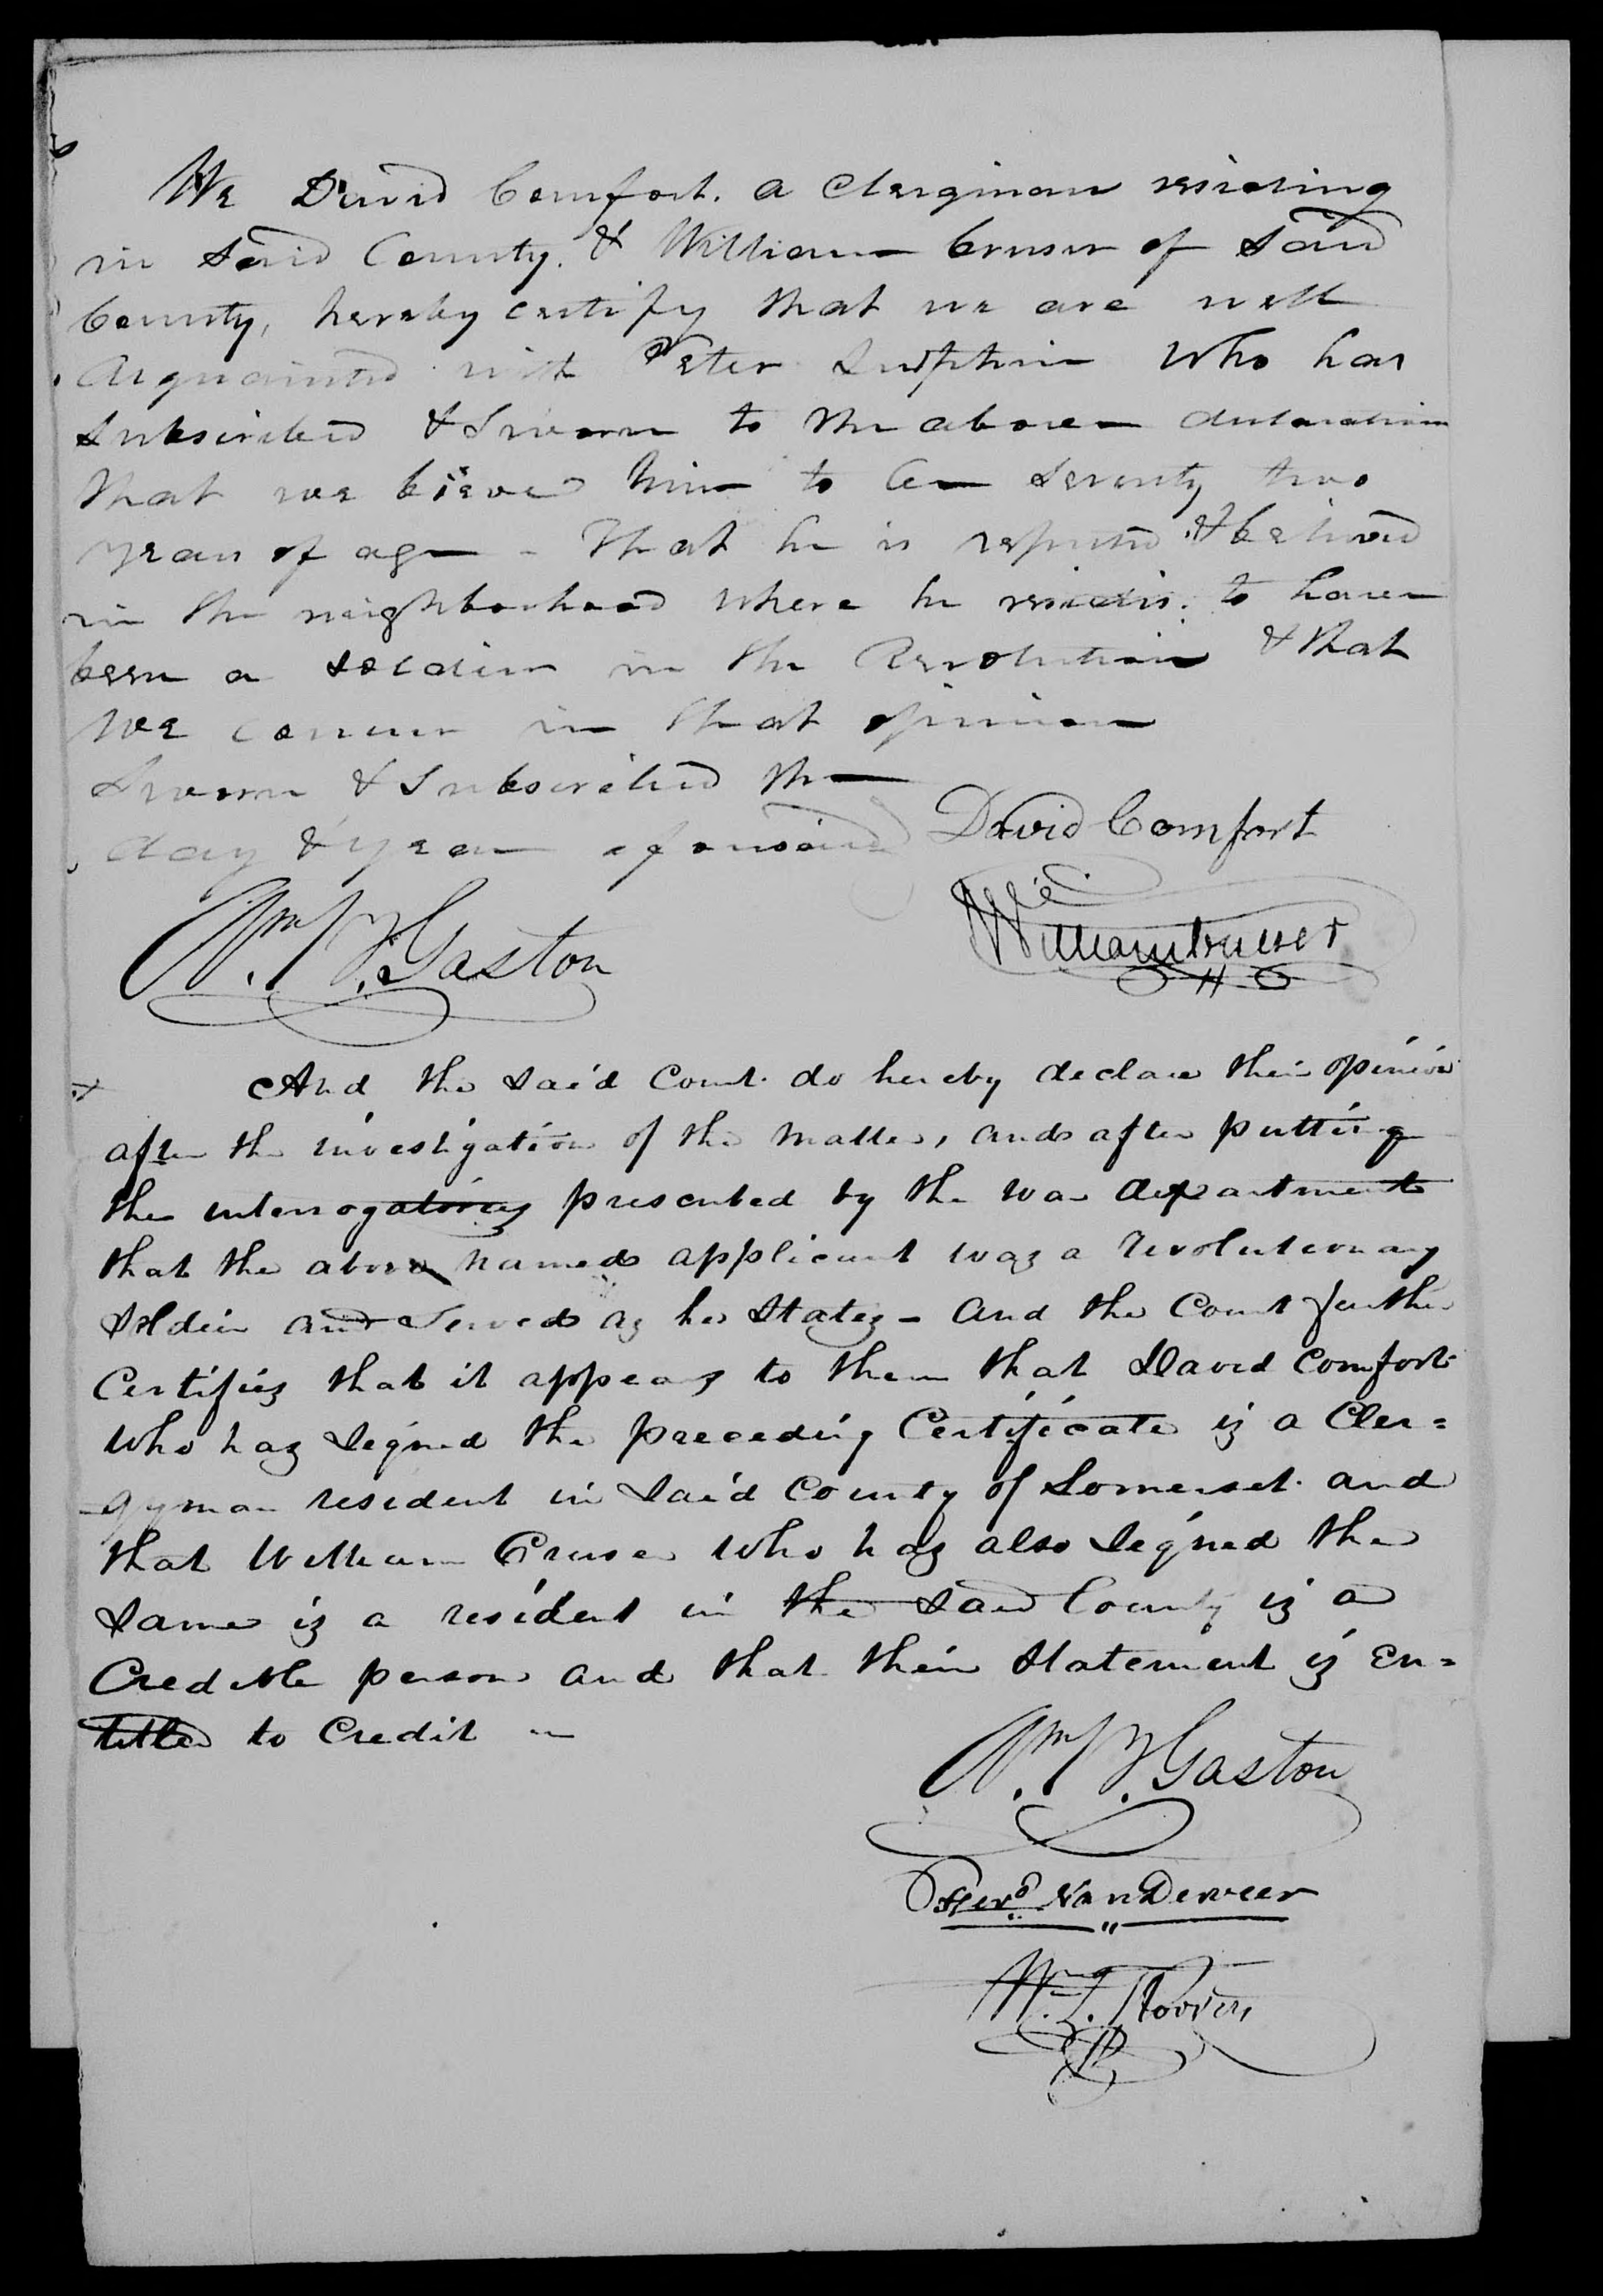We, David Comfort a clergyman residing in said County & William Cruser of said County, hereby certify that we are well acquainted with Peter Sutphin, who has subscribed & sworn to the above declaration. That we believe him to be Seventy two years of age. That he is reputed & believed in the neighborhood where he resides to have been a soldier in the Revolution & that we concur in that opinion.
s/ David Comfort
s/ William Cruser

Sworn & Subscribed the day & year aforesaid.
s/ A. Gaston

And the said Court do hereby declare their opinion after the investigation of the matter, and after putting the interrogatories prescribed by the War Department that the above named applicant was a revolutionary soldier and served as he states. And the Court further certifies that it appears to them that David Comfort, who has signed the preceding certificate is a Clergyman resident in said County of Somerset and that William Cruser who has also signed the same is a resident in the said County is a credible person and that their statement is entitled to credit.

s/ A. Gaston
s/ Rev. Vandever
s/ W. F. Hoover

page: 5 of 14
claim: survivor's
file: S. 1119, for Peter Sutphen, New Jersey